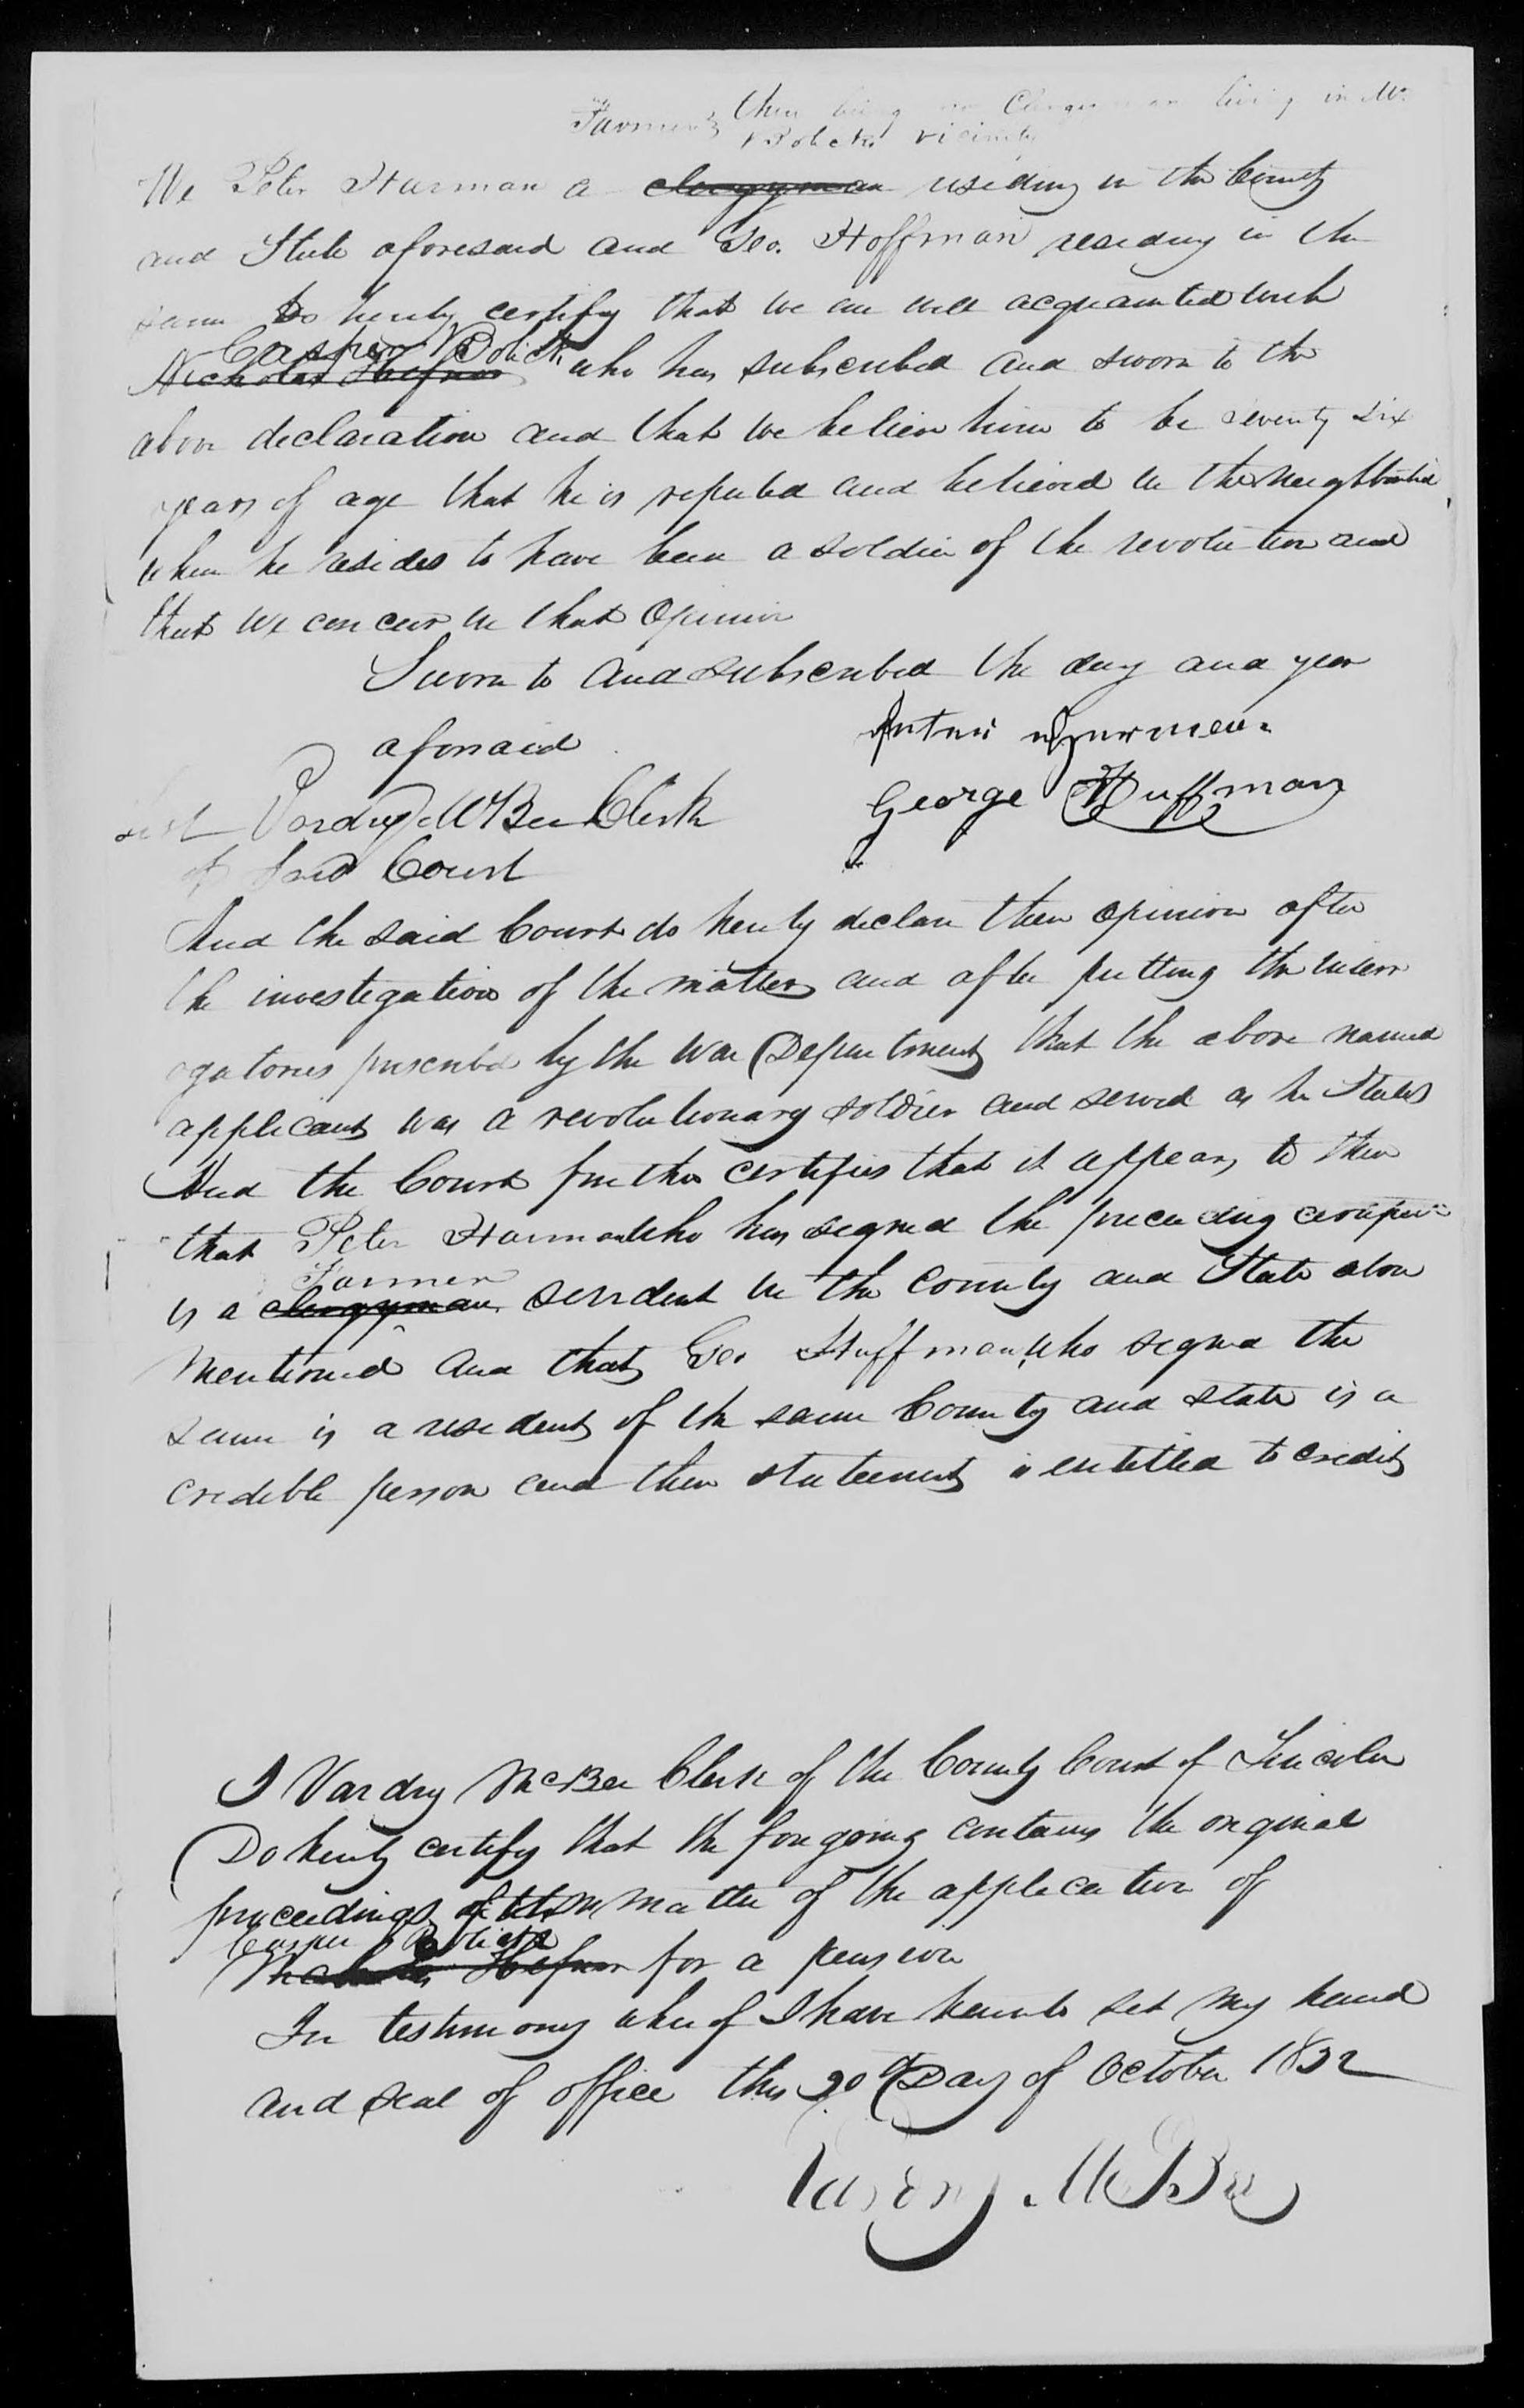Farmer} there being no Clergyman living in Mr. Bolicks vicinity

We Peter Harman a residing in the County and State aforesaid and Geo. Hoffman residing in the same do hereby certify that we are well acquainted with Casper Bolick who has subscribed and sworn to the above declaration and that we believe him to be seventy six years of age that he is reputed and believed to the neighborhood where he resides to have been a soldier of the revolution and that we concur in that opinion. Sworn to and subscribed the day and year aforesaid.[Signatures]
Vardry McBee Clerk  Peter Harman
of said Court             George Huffman

And the said Court do hereby declare their opinion after the investigation of the matter and after putting the interrogatories prescribed by the war Department that the above named applicant was a revolutionary soldier and served as he states. And the Court further certifies that it appears to them that Peter Harman has signed the preceding certificate as a Farmer resident be the county and State above mentioned and that Geo. Huffman, who signed the same is a resident of the same County and state is a credible person and their statement is entitled to credit.

I Vardry McBee Clerk of the County Court of Lincoln do hereby certify that the foregoing contains the original proceedings of the matte of the application of Casper Bolick for a pension.
In testimony whereof I have hereunto set my hand and seal of office this 20th day of October 1832
[Signature] Vardry McBee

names: Farmer Bolick, Vardry Mc Bee, Casper Bolich, Geo Huffman, Vardry Mc Bee, Peter Starman, Peter German, Geo Hoffman, George Huffman, Vardry Mc Bee, Peter Harman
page: 13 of 43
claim: widow's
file: W. 18,566, Casper Bolick, N.C.